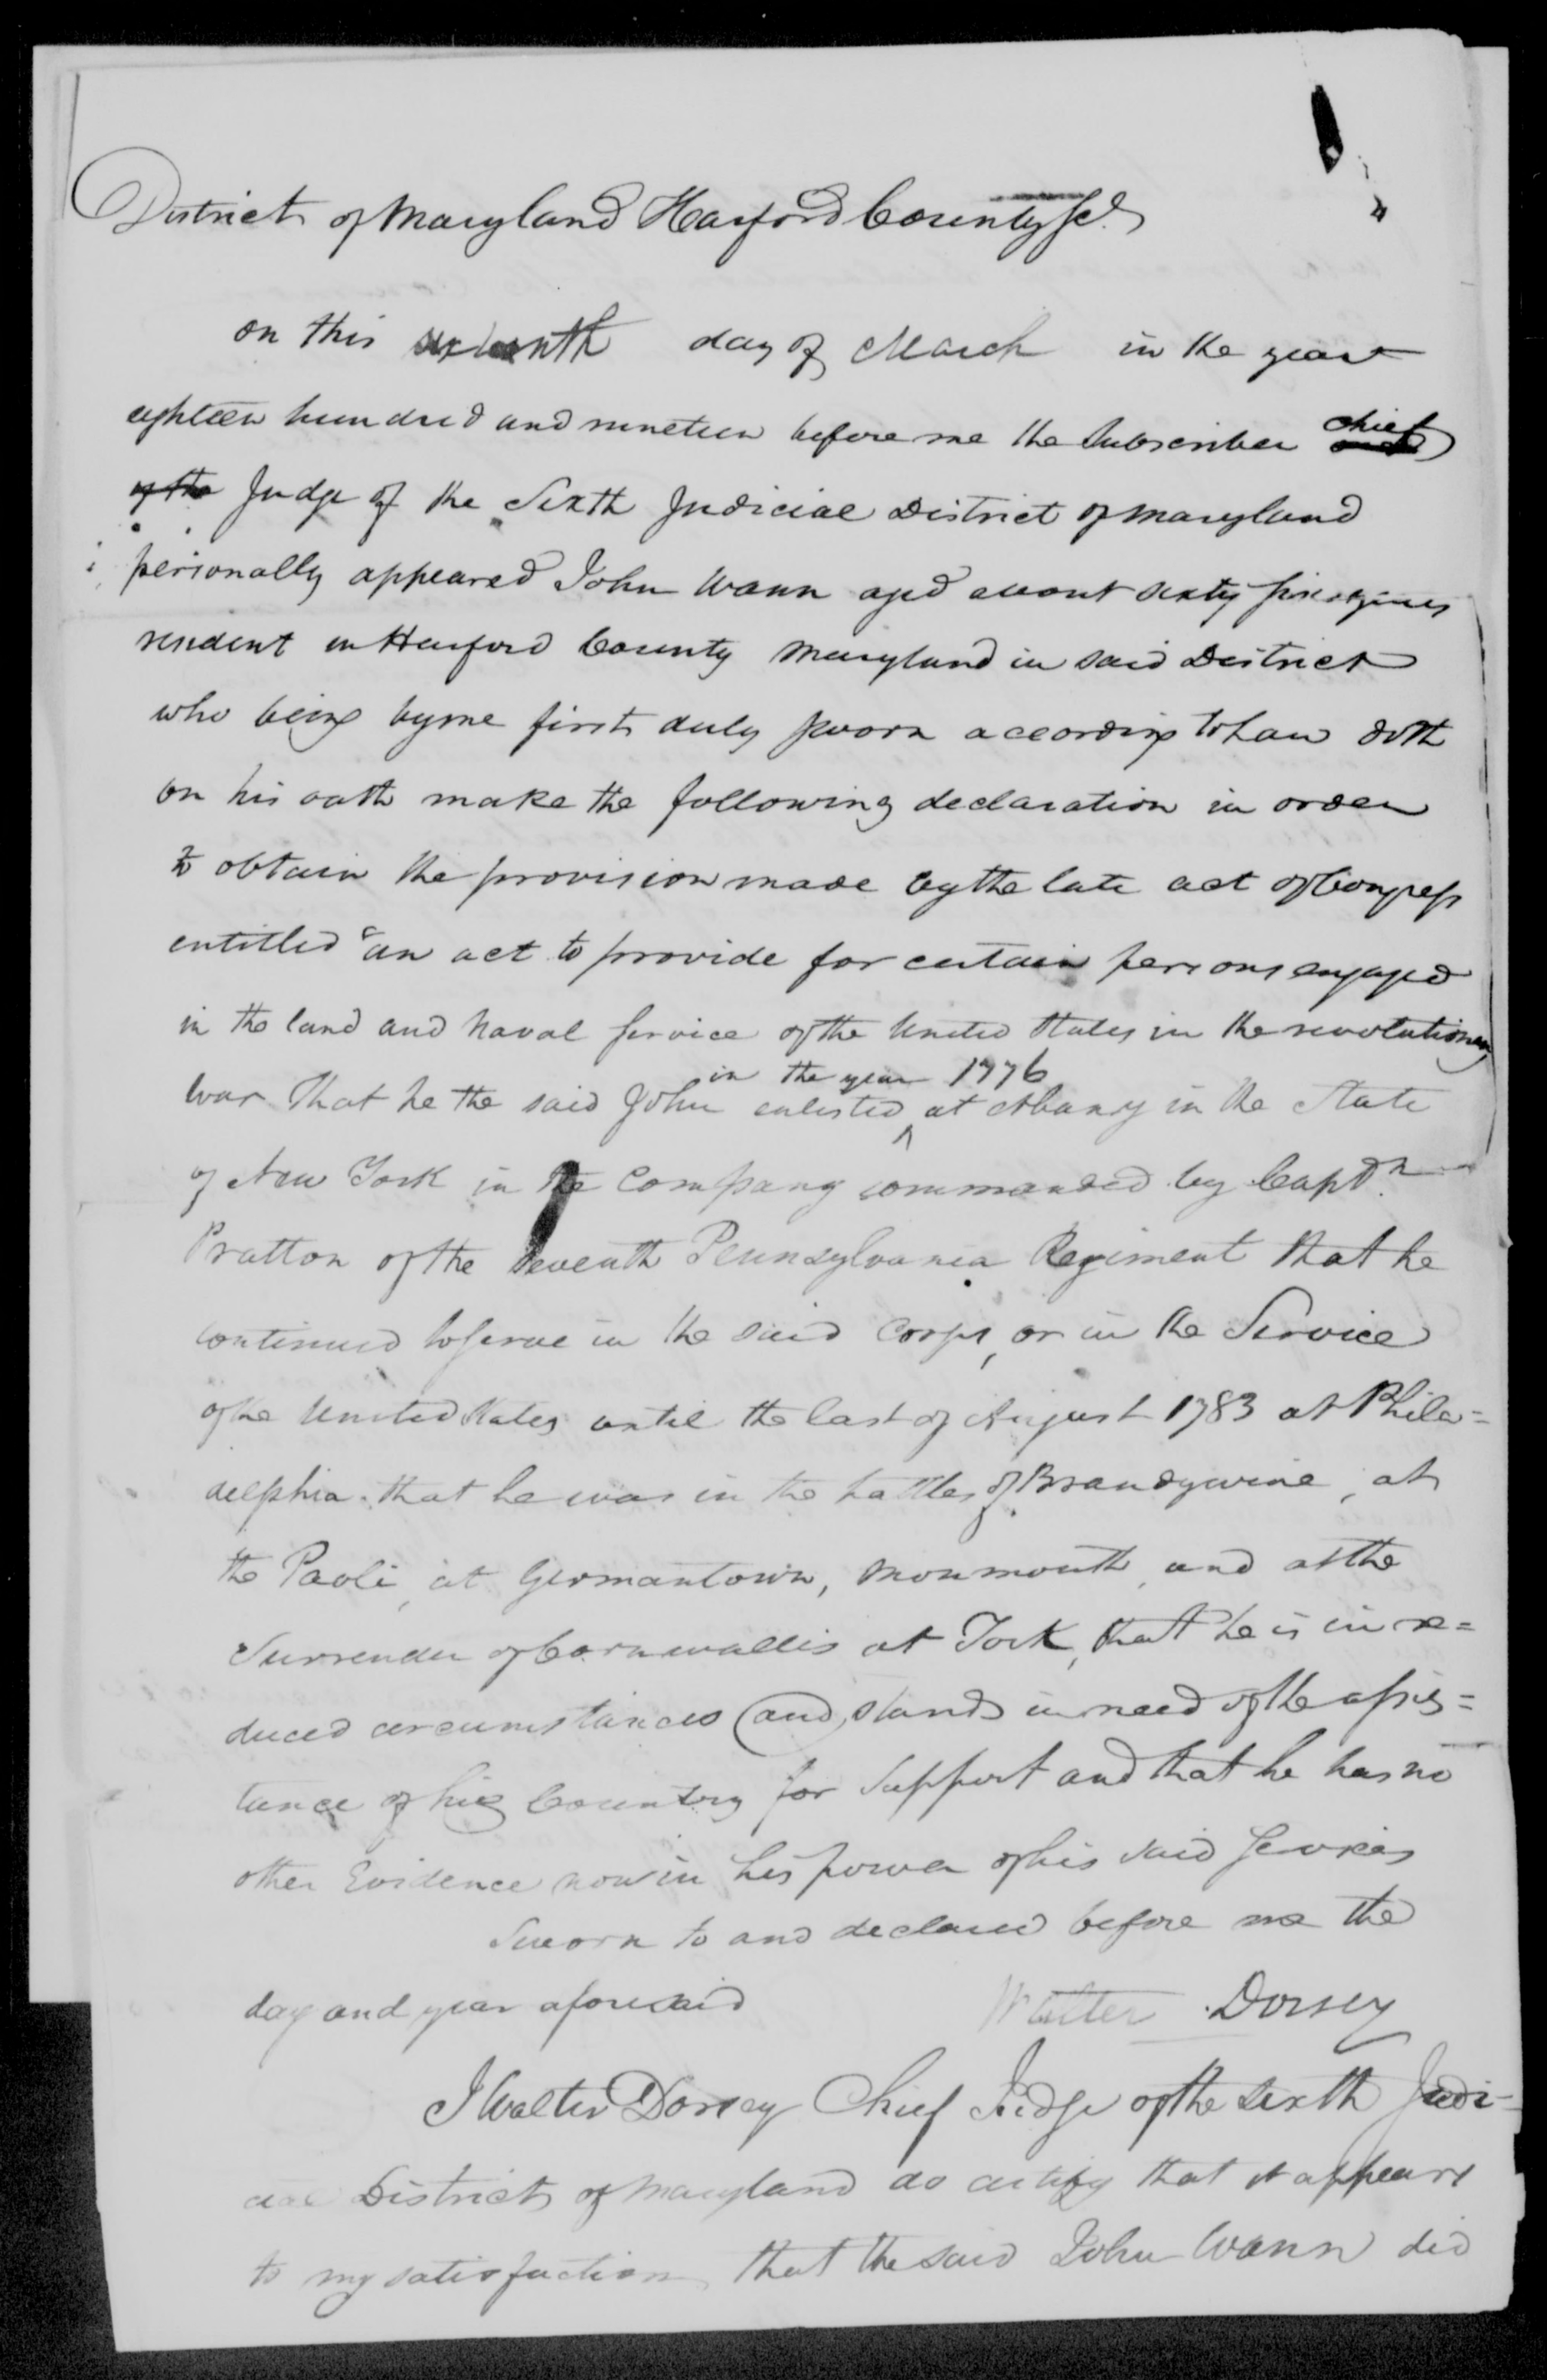District of Maryland Harford County
on this sixteenth day of March in the year eighteen hundred and nineteen before me the Subscriber Chief Judge of the Sixth Judicial District of Maryland
personally appeared John Wann aged about sixty five years resident in Harford County Maryland in said District who being by me first duly sworn according to Law doth on his oath make the following declaration in order
to obtain the provision made by the late act of Congress entitled "an act to provide for certain persons engaged in the land and naval service of the United States in the revolutionary war that he the said John enlisted in the year 1776 at Albany in the State of New York in company commanded by Capt [Captain] Pratton of the Seventh Pennsylvania Regiment that he continued to serve in the said Corps, or in the service of the United States until the last of August 1783 at Philadelphia that he was in the battles of Brandywine, at the Paoli, at Germantown, Monmouth and at the Surrender of Cornwallis at York, that he is in
reduced circumstances and stands in need of the assistance of his country for Support and that he has no other evidence now in his power of his said services
Sworn to and declared before me the day and year aforesaid
Walter Dorsey
I Walter Dorsey Chief Judge of the Sixth Judicial District of Maryland do certify that it appears to my satisfaction that the said John Wann did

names: Walter Dorsey, Pratton, John Wann, John Wann, John, Walter Dorsey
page: 14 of 38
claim: widow's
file: W. 3899, John Wann, Penn.